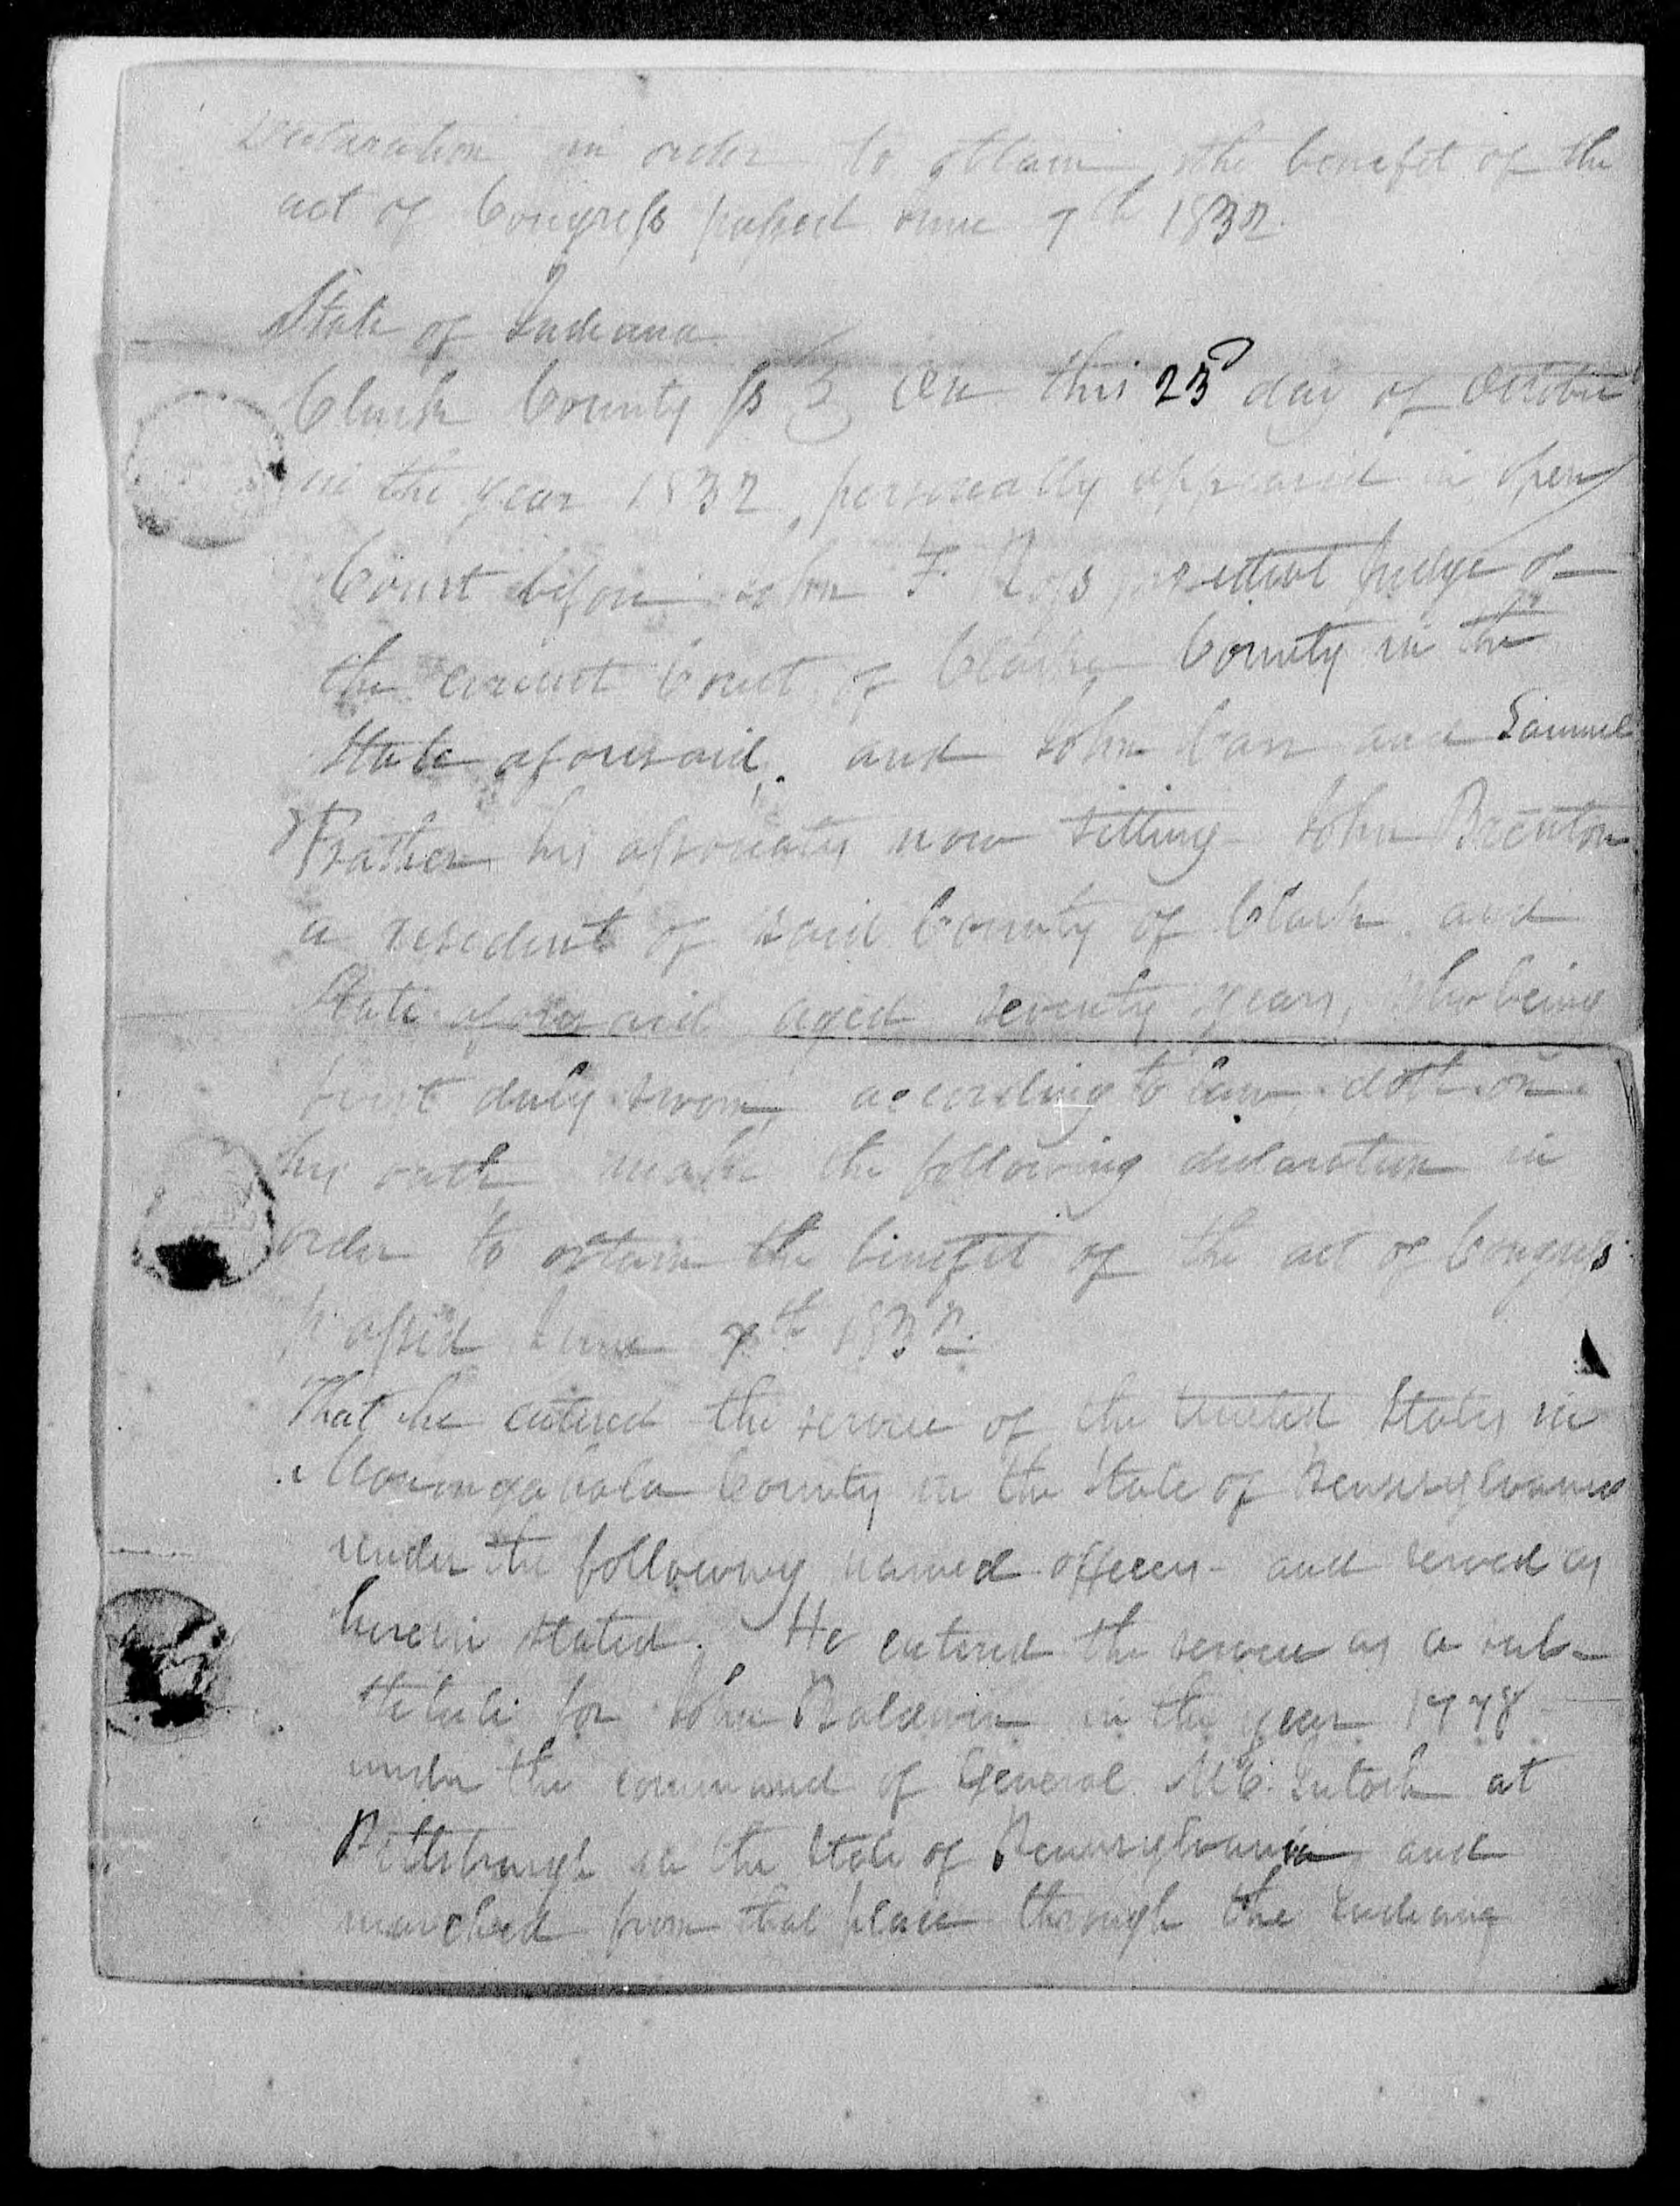Declaration in order to obtain the benefit of the act of Congress passed June 7th 1832.
State of Indiana}
Clark County} On this 23 day of October in the year 1832, personally appeared in open Court before John F Ross [illegible] Judge of the Circuit Court of Clark County in the State aforesaid, and John Carr and Samuel Prather his associates now sitting John Brenton a resident of said County of Clark and State aforesaid aged seventy years, who being first duly sworn according to law doth on his oath make the following declaration in order to obtain the benefit of the act of Congress passed June 7th 1832.
That he entered the service of the United States in Monagahala County in the State of Pennsylvania under the following named officers and served as herein stated. He entered the service in as a substitute for John Baldwin in the year 1778 under the command of General McIntosh at Pittsburgh in the state of Pennsylvania and marched from that placed through the [illegible]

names: John F Ross, M E Intosh, Samuel Prather, John Baldwin, John Carr, John Brenton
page: 3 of 26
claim: survivor's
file: S. 16059, John Brenton, Penn. Va.